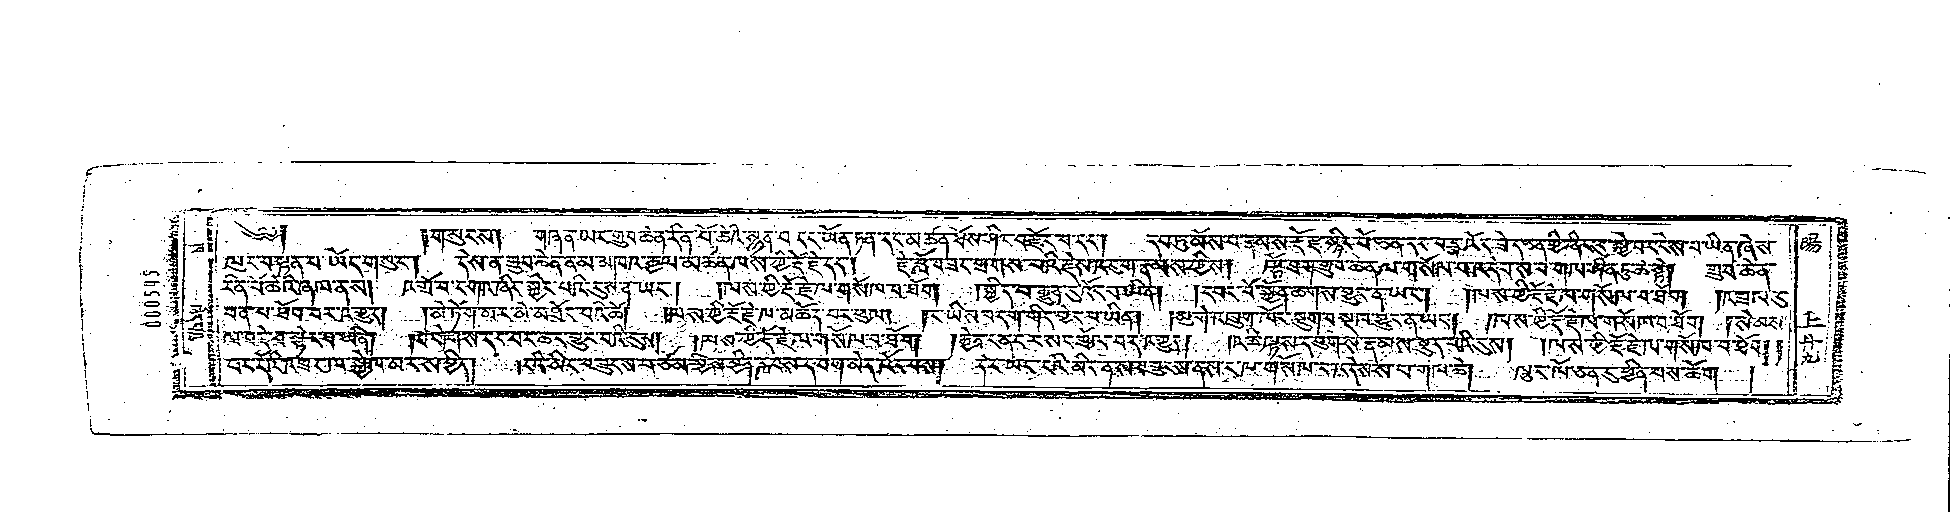༄༅། །གསུངས། གཞན་ཡང་གྲུབ་ཆེན་རིན་པོ་ཆེའི་སྙན་པ་དང་ཡོན་ཏན་དང་མཚན་ཐོས་ཤིང་བརྗོད་པ་དང་། རབ་ཏུ་མོས་པ་རྣམས་རྡོ་རྗེ་སྙིང་པོ་ཅན་དང་པདམ་འོད་ཟེར་ཅན་གྱི་ཞིང་དུ་སྐྱེ་བར་ངེས་པ་ཡིན་ཞེས་
ལུང་བསྟན་པ་ཡོད་གསུང་། དེས་ན་གྲུབ་ཆེན་ནམ་མཁའ་རྒྱལ་མཚན་ལས་ཀྱི་རྡོ་རྗེ་དང་། རྗེ་བློ་བཟང་གྲགས་པའི་རྗེས་འདུག་རྣམས་ཀྱིས། ལྷོ་ཐག་གྲུབ་ཆེན་ལ་གསོལ་བ་འདེབས་པ་གལ་ཤིན་ཏུ་ཆེ་སྟེ། གྲུབ་ཆེན་
རིན་པོ་ཆེའི་ཞལ་ནས། འགྲོ་བ་དགའ་ཞིང་སྐྱིད་པའི་དུས་ན་ཡང་། །ལས་ཀྱི་རྡོ་རྗེ་ལ་གསོལ་བ་ཐོག །སྐྱིད་པ་རྒྱུན་དུ་འོང་བ་ཡིན། །དབང་པོ་སྐྱོན་ཆགས་བྱུང་ན་ཡང་། །ལས་ཀྱི་རྡོ་རྗེ་ལ་གསོལ་བ་ཐོབ། །འཕྲལ་དུ་
ཕན་པ་ཐོབ་པར་འགྱུར། །མེ་ཏོག་མར་མེ་མཐོང་བའི་ཚེ། །ལས་ཀྱི་རྡོ་རྗེ་ལ་མཆོད་པར་ཕུལ། །ང་ཡིས་བདག་གིད་བྱེད་པ་ཡིན། །མུ་གེ་འཁྲུག་ལོང་སྡུག་བསྔལ་བྱུང་ན་ཡང་། །ལས་ཀྱི་རྡོ་རྗེ་ལ་གསོལ་བ་ཐོབ། །སེམས་
ལ་བདེ་བ་སྟེར་བ་ཡིན། །བགེགས་དང་བར་ཆད་བྱུང་བའི་དུས། །ཁས་ཀྱི་རྡོ་རྗེ་ལ་གསོལ་བ་ཐོག །རྐྱེན་ངན་རང་སར་གྲོལ་བར་འགྱུར། །འཆི་ལྟས་དབུགས་རྣམས་སྡུད་བའི་དུས། །ལས་ཀྱི་རྡོ་རྗེ་ལ་གསོལ་བ་ཐོབ། །
བར་དོའི་འཕྲང་ལ་སྐྱེལ་མར་ས་བྱིད། །ངའི་མིང་བཟུངས་བ་ཙམ་གྱིས་བྱིན་རླབས་དཔག་མེད་འོང་བས། དེང་ཡང་ངའི་མིང་ནས་བཟུངས་ནས་ང་ལ་གསོལ་བ་འདེས་ས་པ་གལ་ཆེ། ལྕང་ལོ་ཅན་དུ་ཕྱིན་པས་ཆོག །